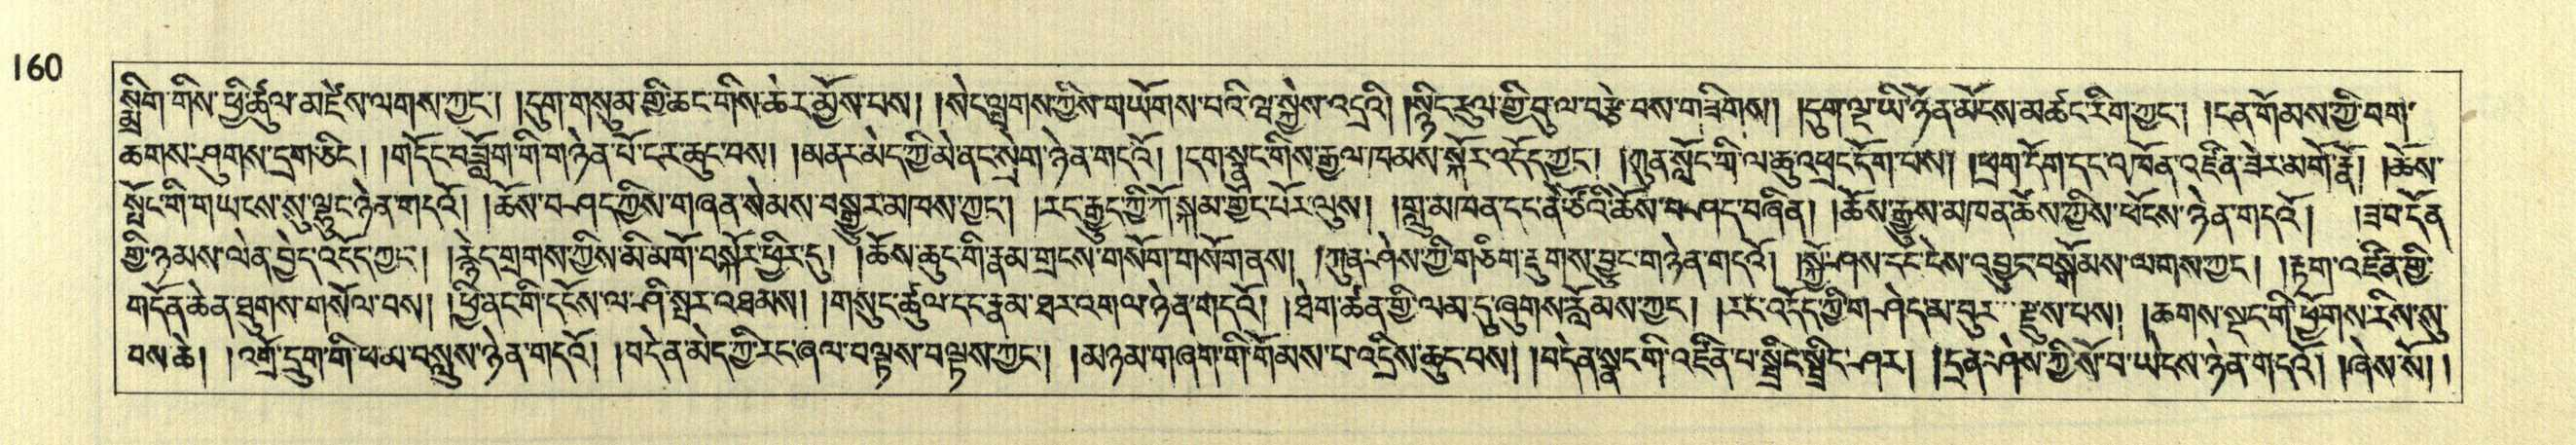སྨྲིག་གིས་ཕྱི་ཚུལ་མཛེས་ལགས་ཀྱང་། །དུག་གསུམ་གྱི་ཆང་གིས་ཆེར་མྱོས་པས། །སེང་ལྤགས་ཀྱིས་གཡོགས་པའི་ཝ་སྐྱེས་འདྲའི། །སྙིང་རུལ་གྱི་བུ་ལ་བརྩེ་བས་གཟིགས། །དུག་ལྔ་ཡི་ཉོན་མོངས་མཚང་རིག་ཀྱང་། །ངན་གོམས་ཀྱི་བག་
ཆགས་ཤུགས་དྲག་ཅིང་། །གདོང་བཟློག་གི་གཉེན་པོ་ངར་ཆུང་བས། །མནར་མེད་ཀྱི་མེ་ནང་སྲེག་ཉེན་གདའོ། །ངག་སྣང་གིས་རྒྱལ་ཁམས་སྐོར་འདོད་ཀྱང་། །ཀུན་སློང་གི་ལ་ཆུ་འཕྲང་དོག་པས། །ཕྲག་དོག་དང་འཁོན་འཛིན་ཟེར་མགོ་རྣོ། །ཆོས་
སྤོང་གི་གཡངས་སུ་ལྷུང་ཉེན་གདའོ། །ཆོས་བཤད་ཀྱིས་གཞན་སེམས་བསྒྱུར་མཁས་ཀྱང་། །རང་རྒྱུད་ཀྱི་ཀོ་སྐམ་གྱོང་པོར་ལུས། །གླུ་མཁན་དང་ནེ་ཙོའི་ཆོས་བཤད་བཞིན། །ཆོས་རྒྱུས་མཁན་ཆོས་ཀྱིས་ཕོངས་ཉེན་གདའོ། །ཟབ་དོན་
གྱི་ཉམས་ལེན་བྱེད་འདོད་ཀྱང་། །རྙེད་གྲགས་ཀྱིས་མི་མགོ་བསྐོར་ཕྱིར་དུ། །ཆོས་ཆུང་གི་རྣམ་གྲངས་གསོག་གསོག་ནས། །ཀུན་ཤེས་ཀྱི་གཅིག་རྡུགས་བྱུང་གཉེན་གདའོ། །སྐྱོ་ཤས་དང་ངེས་འབྱུང་བསྒོམས་ལགས་ཀྱང་། །རྟག་འཛིན་གྱི་
གདོན་ཆེན་ཐུགས་གསོལ་བས། །ཕྱི་ནང་གི་དངོས་ལ་ཤི་སྤར་འཐམས། །གསུང་ཚུལ་དང་རྣམ་ཐར་འགལ་ཉེན་གདའོ། །ཐེག་ཚན་གྱི་ལམ་དུ་ཞུགས་རློམས་ཀྱང་། །རང་འདོད་ཀྱི་གཤེད་མ་བུར་རྫུས་པས། །ཆགས་སྡང་གི་ཕྱོགས་རིས་སུ་
བས་ཆེ། །འགྲོ་དྲུག་གི་ཕ་མ་བསླུས་ཉེན་གདའོ། །བདེན་མེད་ཀྱི་རང་ཞལ་བལྟས་བལྟས་ཀྱང་། །མཉམ་གཞག་གི་གོམས་པ་འདྲིས་ཆུང་བས། །བདེན་སྣང་གི་འཛིན་པ་སྦྲིང་སྦྲིང་ཤར། །དྲན་ཤེས་ཀྱི་སོ་བ་ཡེངས་ཉེན་གདའོ། །ཞེས་སོ། །